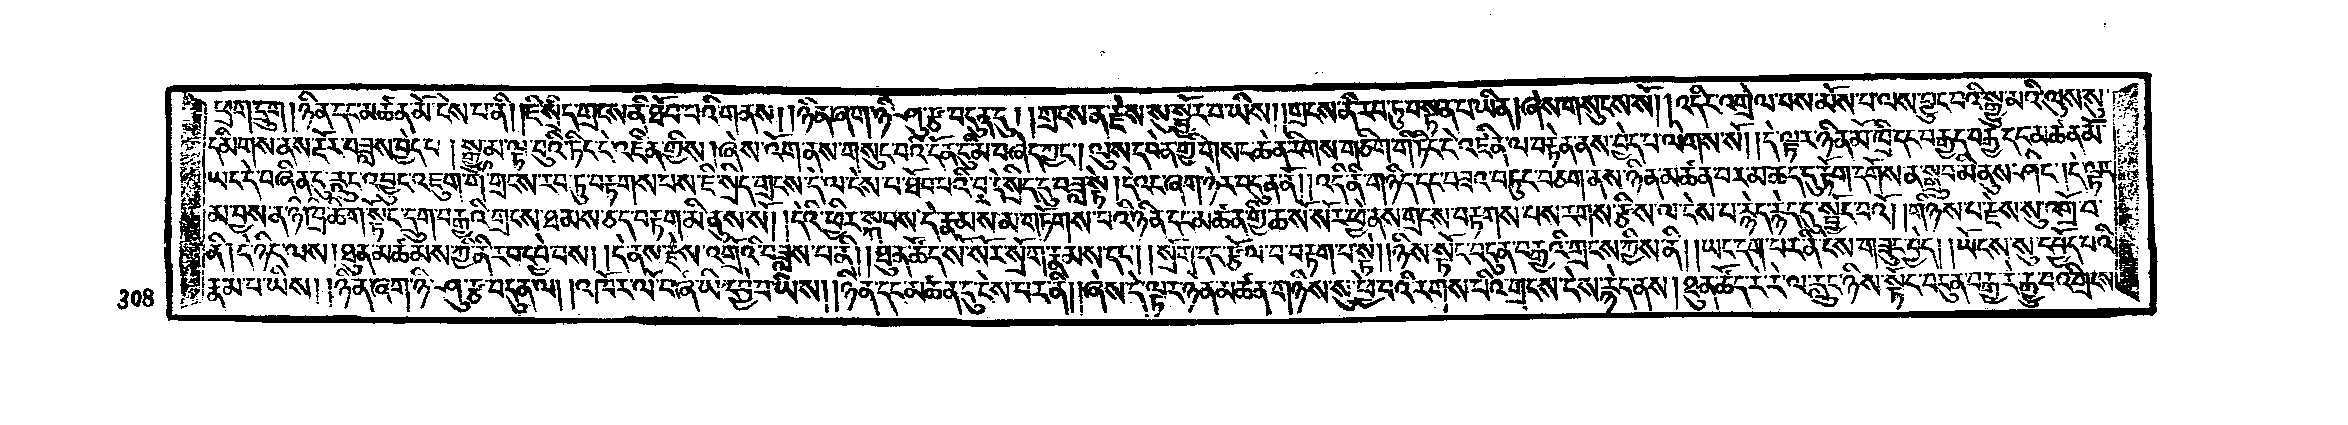ཕྲག་དྲུག །ཉིན་དང་མཚན་མོ་ངེས་པ་ནི། །ཇི་སྲིད་གྲངས་ནི་ཐོབ་པའི་གནས། །ཉིན་ཞག་ཉི་ཤུ་རྩ་བདུན་དུ། །གྲངས་ན་རྗེས་སུ་སྦྱོར་བ་ཡིས། །གྲངས་ནི་རབ་ཏུ་བསྟན་པ་ཡིན། ཞེས་གསུངས་སོ། །འདིར་འགྲེལ་པས་མོས་པ་ལས་བྱུང་བའི་སྒྱུ་མའི་ལུས་སུ་
དམིགས་ནས་རྡོར་བཟླས་བྱེད་པ། སྒྱུ་མ་ལྟ་བུའི་ཏིང་ངེ་འཛིན་གྱིས། ཞེས་འོག་ནས་གསུང་བའི་དོན་དུ་མི་བཞེད་ཀྱང་། ལུས་དབེན་གྱི་གསང་ཆེན་རིགས་གཅིག་གི་ཏིང་ངེ་འཛིན་ལ་བརྟེན་ནས་བྱེད་པ་ལེགས་སོ། །དེ་ལྟར་ཉིན་མོ་ཁྲི་དང་བརྒྱད་བརྒྱ་དང་མཚན་མོ་
ཡང་དེ་བཞིན་དུ་རླུང་འབྱུང་འཇུག་གི་གྲངས་རབ་ཏུ་བརྟགས་པས་ཇི་སྲིད་གྲངས་དེ་ལ་ངེས་པ་ཐོབ་པའི་བར་དེ་སྲིད་དུ་བཟླ་སྟེ། དེའང་ཞག་ཉེར་བདུན་ནོ། །འདི་ནི་གཉིད་དང་བཟའ་བཏུང་བཅག་ནས་ཉིན་མཚན་བར་མ་ཆད་དུ་རྟོག་དགོས་ན་སྒྲུབ་མི་ནུས་ཤིང་། དེ་ལྟར་
མ་བྱས་ན་ཉི་ཁྲི་ཆིག་སྟོང་དྲུག་བརྒྱའི་གྲངས་ཐམས་ཅད་བརྟག་མི་ནུས་སོ། །དེའི་ཕྱིར་སྐབས་དེ་རྣམས་མ་གཏོགས་པའི་ཉིན་དང་མཚན་གྱི་ཆ་སོ་སོར་ཕྱེ་ནས་གྲངས་བརྟགས་པས་རགས་རྩིས་ལ་ངེས་པ་རྙེད་རྙེད་དུ་སྦྱོང་བའོ། །གཉིས་པ་རྗེས་སུ་འགྲོ་བ་
ནི། དེ་ཉིད་ལས། ཐུན་མཚམས་ཀྱི་ནི་རབ་དབྱེ་བས། །དེ་ནས་རྗེས་འགྲོའི་བཟླས་པ་ནི། །ཐུན་ཚོད་སོ་སོར་སྲོག་རྣམས་དང་། །སྲོག་དང་རྩོལ་བ་བརྟག་པ་སྟེ། །ཉིས་སྟོང་བདུན་བརྒྱའི་གྲངས་ཀྱིས་ནི། །ཡང་དག་པར་ནི་ངེས་གཟུང་བྱེད། །ཡོངས་སུ་དཔྱོད་པའི་
རྣམ་པ་ཡིས། །ཉིན་ཞག་ཉི་ཤུ་རྩ་བདུན་ལ། །འཁོར་ལོ་བཞི་ཡི་དབྱེ་བ་ཡིས། །ཉིན་དང་མཚན་དུ་ངེས་པར་ནི། །ཞེས་དེ་ལྟར་ཉིན་མཚན་གཉིས་སུ་ཕྱེ་བའི་རགས་པའི་གྲངས་ངེས་རྙེད་ནས། ཐུན་ཚོད་རེ་རེ་ལ་རླུང་ཉིས་སྟོང་བདུན་བརྒྱ་རེ་རྒྱུ་བའི་གྲངས་